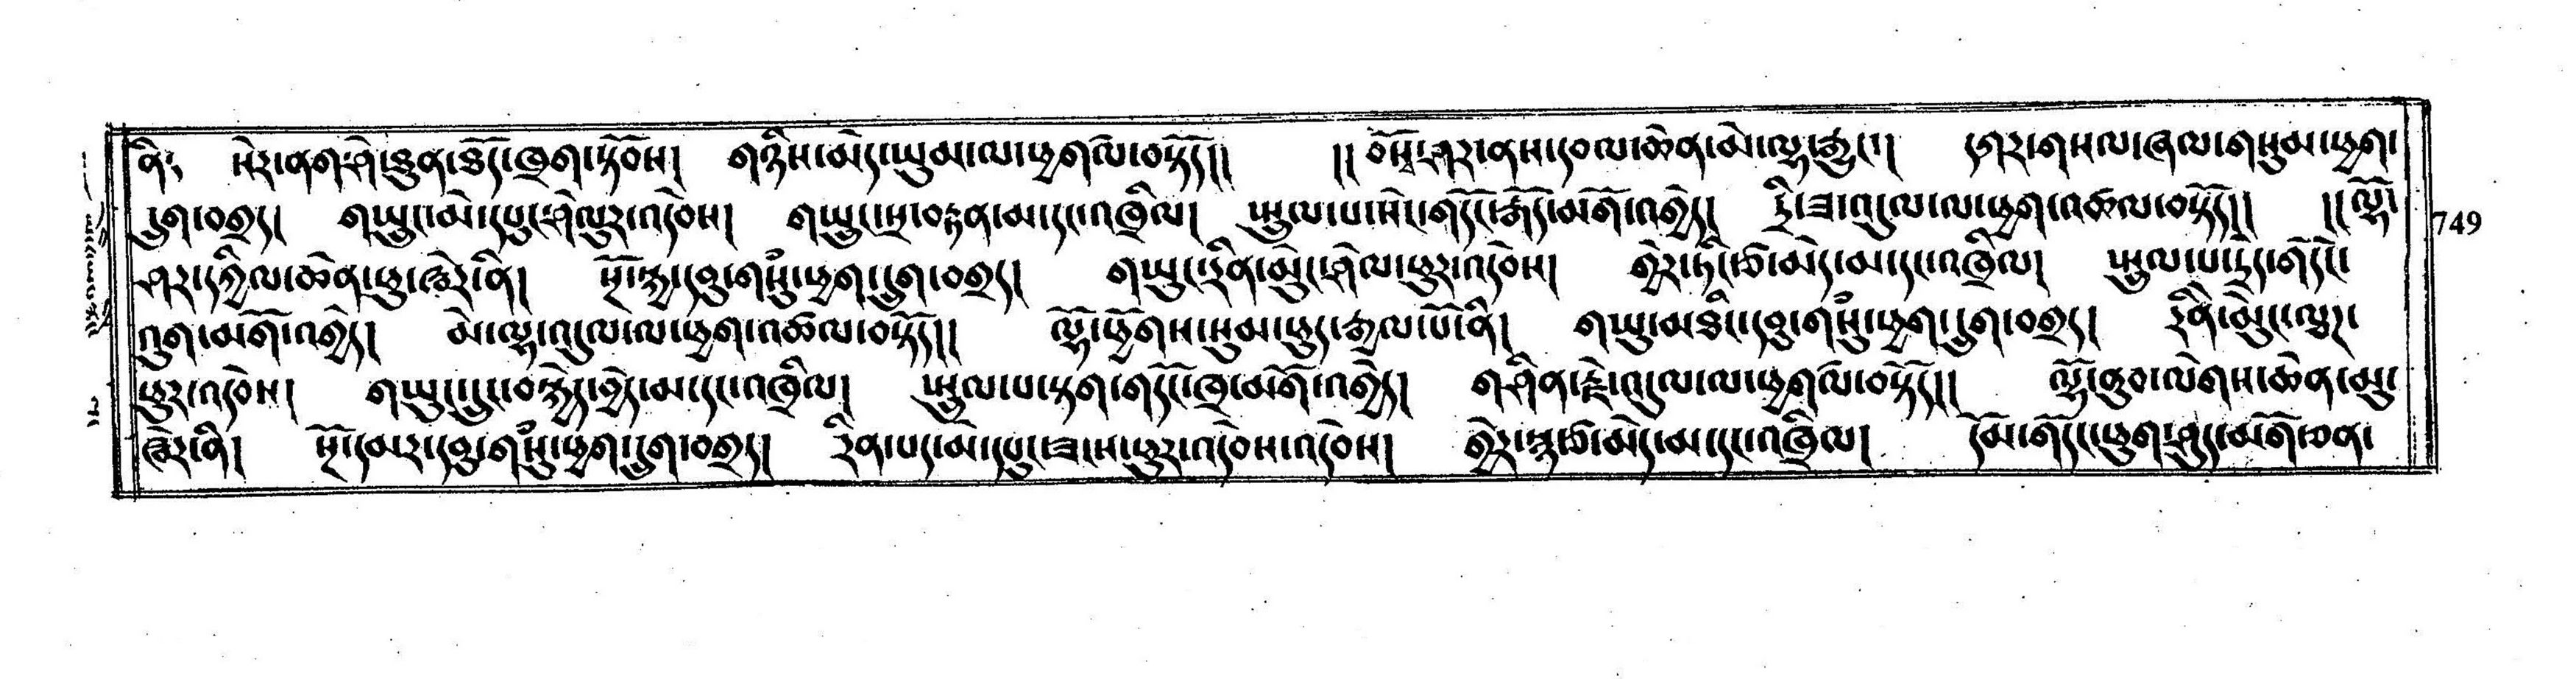ནི། སེར་ནག་ཤེ་ཐུན་ཐོད་ཁྲག་སྟོབས། གཉིས་མེད་ཡུམ་ལ་ཕྱག་འཚལ་བསྟོད།། །།བསྭོ་ཤར་ནས་དབལ་ཆེན་མེ་ལྷ་རྒྱུང་། དཀར་གསལ་ཞལ་གསུམ་ཕྱག་
དྲུག་བགྲད། གཡུང་དྲུང་མེ་དཔུང་ཤེལ་ཕུར་འདེབས། གཡུང་དྲུང་སྲ་བརྟན་མ་དང་འཁྲིལ། སྤྲུལ་པ་སེང་གདོང་རྒོད་མགོ་འགྱེད། དྲི་ཟ་འདུལ་ལ་ཕྱག་འཚལ་བསྟོད།། །།ལྷོ་
ཤར་དཀྱིལ་ཆེན་ཕུ་ཝེར་ནི། སྔོ་སྐྱ་དབུ་གསུམ་ཕྱག་དྲུག་བགྲད། གཡུང་རིན་མེ་དཔུང་ཤེལ་ཕུར་འདེབས། གྱེར་ཏིང་ཙ་མེད་མ་དང་འཁྲིལ། སྤྲུལ་པ་དྲེད་གདོང་
འུག་མགོ་འགྱེད། མེ་ལྷ་འདུལ་ལ་ཕྱག་འཚལ་བསྟོད།། ལྷོ་ཕྱོགས་སུམ་ཕུད་རྒྱལ་པོ་ནི། གཡུ་མཐིང་དབུ་གསུམ་ཕྱག་དྲུག་བགྲད། རིན་ཆེན་མེ་དཔུང་ལྕགས་
ཕུར་འདེབས། གཡུང་དྲུང་བསྐྱེད་བྱེད་མ་དང་འཁྲིལ། སྤྲུལ་པ་སྟག་གདོང་ཁྲ་མགོ་འགྱེད། གཤིན་རྗེ་འདུལ་ལ་ཕྱག་འཚལ་བསྟོད།། ལྷོ་ནུབ་ལེགས་ཆེན་མུ་
ཝེར་ནི། སྔོ་དམར་དབུ་གསུམ་ཕྱག་དྲུག་བགྲད། རིན་པད་མེ་དཔུང་ཟངས་ཕུར་འདེབས། གྱེར་སྙ་ཙ་མེད་མ་དང་འཁྲིལ། དོམ་གདོང་ཕུག་ཤུད་མགོ་ཅན་